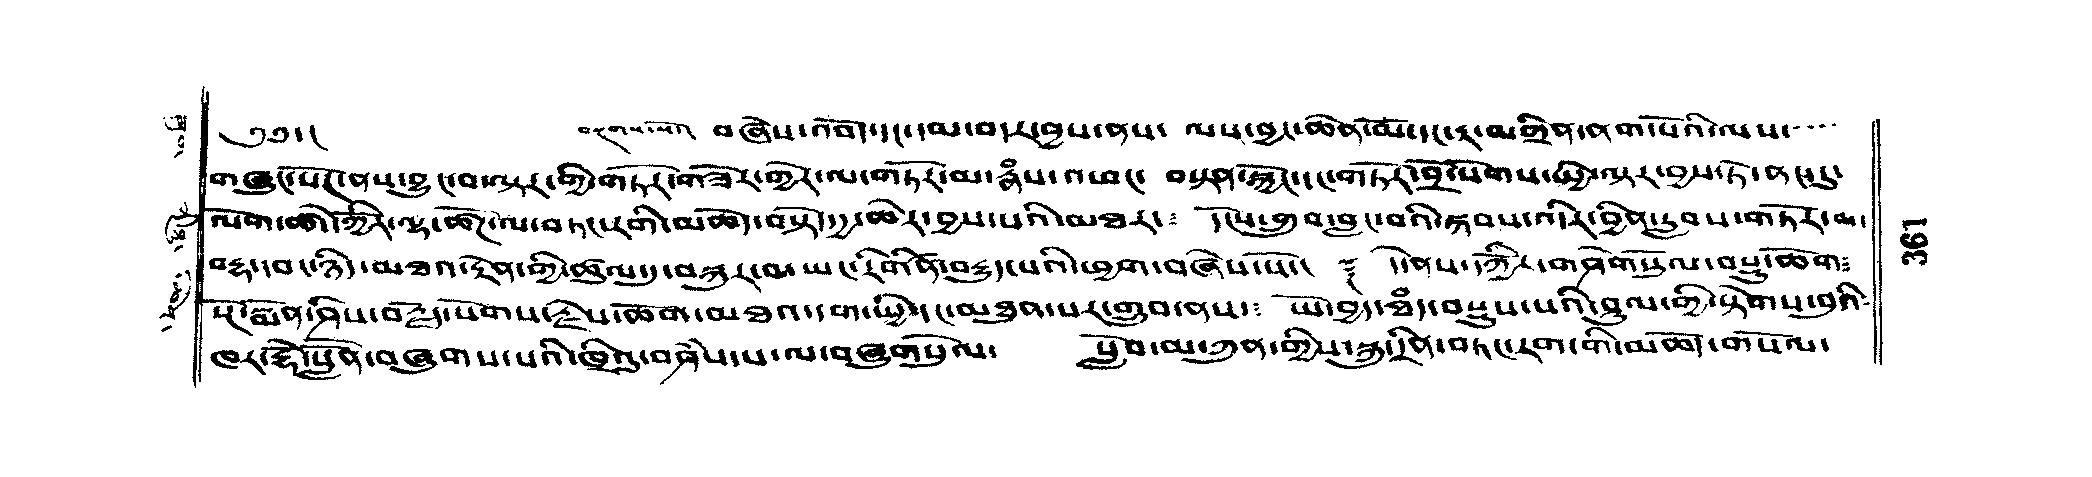བསྔགས་སོ། བཞེས་འབོད་དང་དམ་བདར་བྱས་ནས། ལས་བྱང་ཆེན་མོ་དང་རྟ་མགྲིན་ནག་པོའི་ལས་
གཞུང་སོགས་ནས་བྱུང་བ་ལྟར་གྱི་གཏེར་གཟེར་གྱེར་ལ་གཏོར་མ་རྣམས་འཕང་།བསྟན་སྐྱོང་དང་གཏོར་བྲོ་སོགས་སྤྱི་ལྟར་བྱས་ཏེ་ནང་དུ་
ལོག་ཚེ་དཀྱིལ་འཁོར་ལྷ་ཚོགས་ལ་བཏང་རིག་མཆོད་བསྟོད་རྒྱ་ཆེར་བྱས་པའི་མཐར༴ དངོས་གྲུབ་བླང་བའི་སྐབས་འདིར་བྱིན་རླབས་གཏོར་མ་
བརྡ་དབང་ཉིད་མཐའ་རྟེན་གྱི་ཚུལ་དུ་བསྐུར་བ་ཡང་རིག་འཛིན་བརྒྱུད་པའི་ཕྱག་བཞེས་སོ། ༈ དེ་ནས་དཀྱིལ་འཁོར་གཤེགས་སུ་གསོལ་བསྡུ་ཆོག༴ 
སྔོ་སྨོན་ཤིས་བརྗོད་སོགས་རྗེས་ཆོག་མཐའ་དག་སྤྱི་དང་མཐུན་པར་གྲུབ་ནས༴ ཡོ་བྱད་ཐམས་ཅད་བསྡུས་པའི་ཤུལ་གྱི་སྟེགས་བུའི་
ཁར་རྡོ་རྗེ་སློབ་དཔོན་བཞུགས་པའི་ཁྲིའུ་བཤམས་པ་ལ་བཞུགས་སུ་གསོལ། སློབ་མ་ཀུན་གྱིས་སྐུ་དྲིན་བཏང་རག་གི་མཆོད་གསོལ་